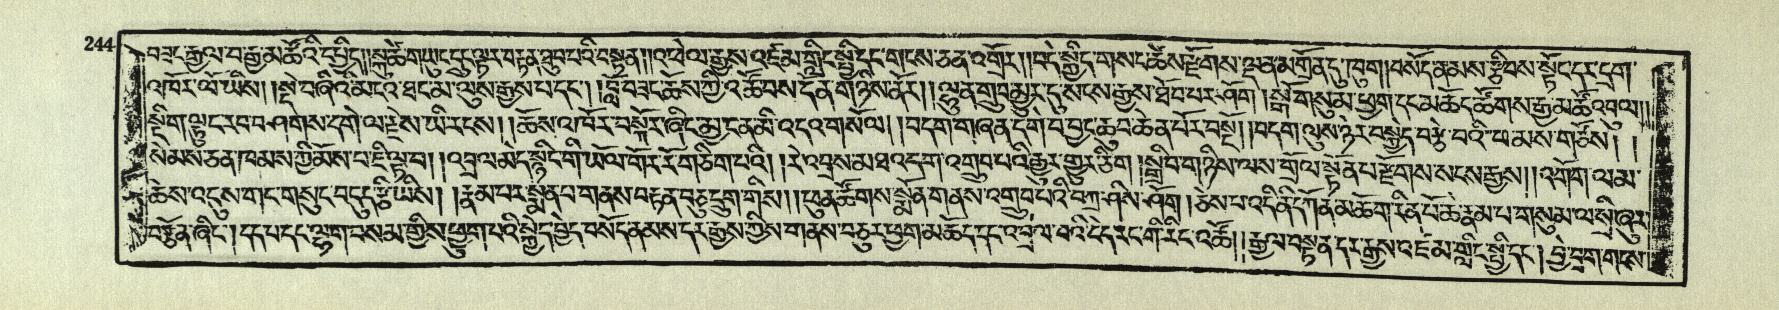བཟང་རྒྱལ་བ་རྒྱ་མཚོའི་དཔྱིད། །སྐུ་ཚེ་གཡུང་དྲུང་ལྟར་བརྟན་ཐུབ་པའི་བསྟན། །འཕེལ་རྒྱས་འཛམ་གླིང་སྤྱི་དང་གངས་ཅན་འགྲོར། །བདེ་སྐྱིད་གསང་ཚེས་རྫོགས་ལྡན་མགྲོན་དུ་ཁུག །བསོད་ནམས་རྩིབས་སྟོང་དར་དྲག་
འཁོར་ལོ་ཡིས། །སྡེ་བཞིའི་མངའ་ཐང་མ་ལུས་རྒྱས་པ་དང་། །བློ་བཟང་ཆོས་ཀྱི་འཚོ་བས་དོན་གཉིས་ནོར། །ལྷུན་གྲུབ་མྱུར་དུ་སངས་རྒྱས་ཐོབ་པར་ཤོག །སྒོ་གསུམ་ཕྱག་དང་མཆོད་ཚོགས་རྒྱ་མཚོ་འབུལ།།
སྡིག་ལྟུང་རབ་བཤགས་དགེ་ལ་རྗེས་ཡི་རངས། །ཆོས་འཁོར་བསྐོར་ཞིང་མྱ་ངན་མི་འདའ་གསོལ། །བདག་གཞན་དགེ་བ་བྱང་ཆུབ་ཆེན་པོར་བསྔོ། །བདག་ལུས་ཉེར་བསྐྱེད་བརྩེ་བའི་ཕ་མས་གཙོས།།
སེམས་ཅན་ཁམས་ཀྱི་མོས་པ་ཇི་ལྟ་བ། །འབྲལ་མེད་སྙིང་གི་ཡོལ་གོར་རོ་གཅིག་པའི། །རེ་འབྲས་མཐའ་དག་འགྲུབ་པའི་རྒྱུར་གྱུར་ཅིག། །སྒྲིབ་གཉིས་ལས་གྲོལ་སྟོན་པ་རྫོགས་སངས་རྒྱས། །འགོག་ལམ་
ཆེས་འདུས་གང་གསུང་བདུད་རྩི་ཡིས། །རྣམ་པར་སྨན་པ་གནས་བརྟན་བཅུ་དྲུག་གིས། །ཕུན་ཚོགས་སྨོན་གནས་འགྲུབ་པའི་བཀྲ་ཤིས་ཤོག། །ཅེས་པ་འདི་ནི་དཀོན་མཆོག་རིན་པོ་ཆེ་རྣམ་པ་གསུམ་ལ་སྲི་ཞུར་
བརྩོན་ཞིང་།དད་པ་དང་ལྷག་བསམ་གྱིས་ཕྱུག་པའི་སྐྱེད་བྱེད་བསོད་ནམས་དར་རྒྱས་ཀྱིས་གནས་བཅུར་ཕྱག་མཆོད་དང་འབྲེལ་བའི་ངེད་རང་གི་རིང་འཚོ། །རྒྱལ་བསྟན་དར་རྒྱས་འཛམ་གླིང་སྤྱི་དང་།བྱེ་བྲག་གངས་